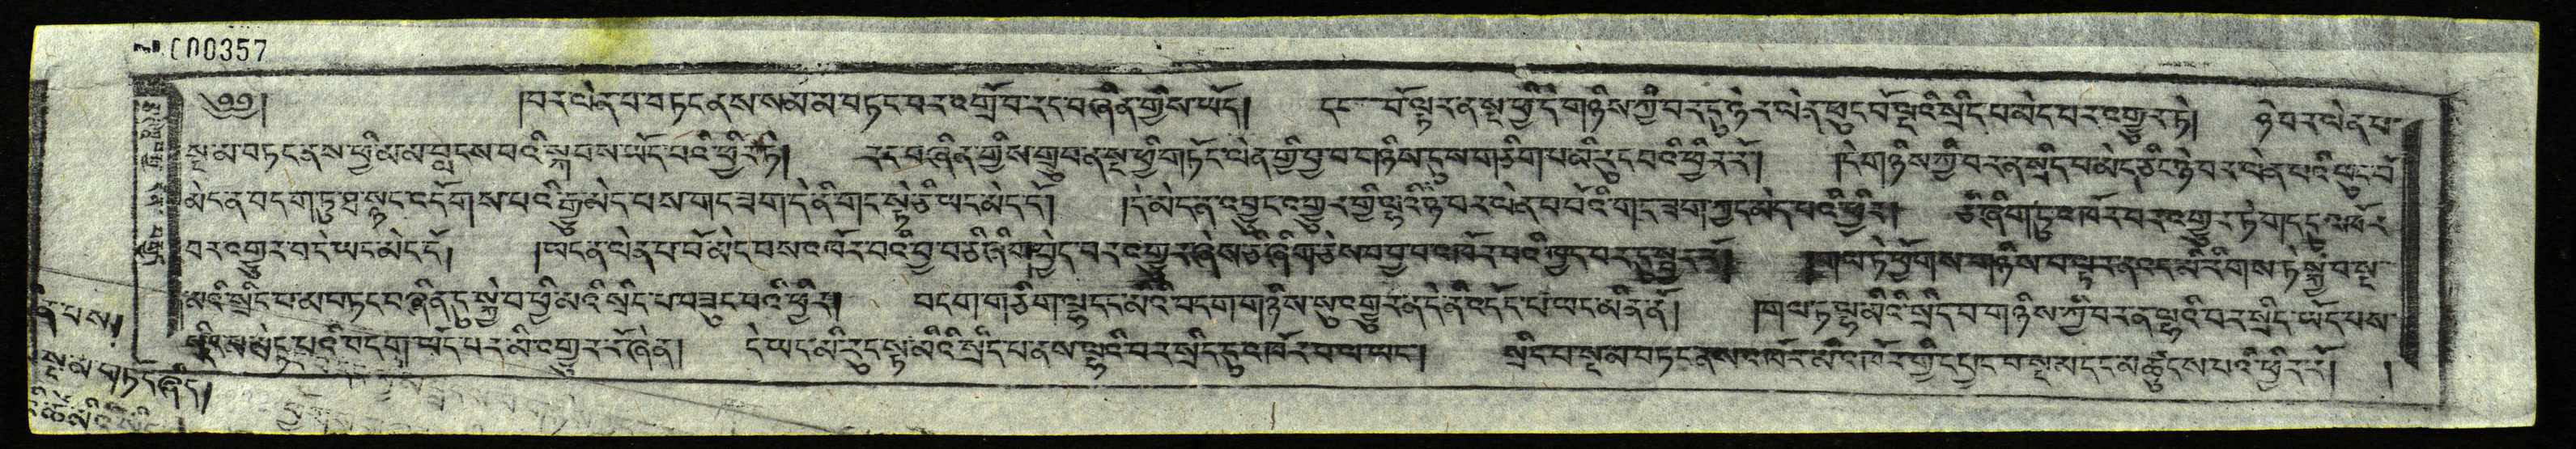༄༅། །བར་ལེན་པ་བཏང་ནས་སམ་མ་བཏང་བར་འགྲོ་བ་རང་བཞིན་གྱིས་ཡོད། དང་པོ་ལྟར་ན་སྔ་ཕྱི་དེ་གཉིས་ཀྱི་བར་དུ་ཉེར་ལེན་ཕུང་པོ་ལྔའི་སྲིད་པ་མེད་པར་འགྱུར་ཏེ། ཉེ་བར་ལེན་པ་
སྔ་མ་བཏང་ནས་ཕྱི་མ་མ་བླངས་པའི་སྐབས་ཡོད་པའི་ཕྱིར་ཏེ། རང་བཞིན་གྱིས་གྲུབ་ན་སྔ་ཕྱི་གཏོང་ལེན་གྱི་བྱ་བ་གཉིས་དུས་གཅིག་པ་མི་རུང་བའི་ཕྱིར་རོ། །དེ་གཉིས་ཀྱི་བར་ན་སྲིད་པ་མེད་ཅིང་ཉེ་བར་ལེན་པའི་ཕུང་པོ་
མེད་ན་བདག་ཏུ་ཐ་སྙད་འདོགས་པའི་རྒྱུ་མེད་པས་གང་ཟག་དེ་ནི་གང་སྟེ་ཅི་ཡང་མེད་དོ། །དེ་མེད་ན་འབྱུང་འགྱུར་གྱི་ལྷའི་ཉེ་བར་ལེན་པ་པོའི་གང་ཟག་ཀྱང་མེད་པའི་ཕྱིར། ཅི་ཞིག་ཏུ་འཁོར་བར་འགྱུར་ཏེ་གང་དུ་འཁོར་
བར་འགྱུར་བ་དེ་ཡང་མེད་དོ། །ཡང་ན་ལེན་པ་པོ་མེད་པས་འཁོར་བའི་བྱ་བ་ཅི་ཞིག་བྱེད་བར་འགྱུར་ཞེས་ཅི་ཞིག་ཅེས་པ་བྱ་བ་འཁོར་བའི་ཁྱད་པར་དུ་སྦྱར་རོ། །གལ་ཏེ་ཕྱོགས་གཉིས་པ་ལྟར་ནའང་མི་རིགས་ཏེ་སྐྱེ་བ་སྔ་
མའི་སྲིད་པ་མ་བཏང་བཞིན་དུ་སྐྱེ་བ་ཕྱི་མའི་སྲིད་པ་བཟུང་བའི་ཕྱིར། བདག་གཅིག་ལྷ་དང་མའི་བདག་གཉིས་སུ་འགྱུར་ན་དེ་ནི་འདོད་པ་ཡང་མིན་ནོ། །གལ་ཏེ་ལྷ་མིའི་སྲིད་པ་གཉིས་ཀྱི་བར་ན་ལྷའི་བར་སྲིད་ཡོད་པས་
སྲིད་པ་མེད་པའི་བདག་ཡོད་པར་མི་འགྱུར་རོ་ཞེ་ན། དེ་ཡང་མི་རུང་སྟ་མིའི་སྲིད་པ་ནས་ལྷའི་བར་སྲིད་དུ་འཁོར་བ་ལ་ཡང་། སྲིད་པ་སྔ་མ་བཏང་ནས་འཁོར་མི་འཁོར་གྱི་དཔྱད་པ་སྔ་མ་དང་མཚུངས་པའི་ཕྱིར་རོ། །